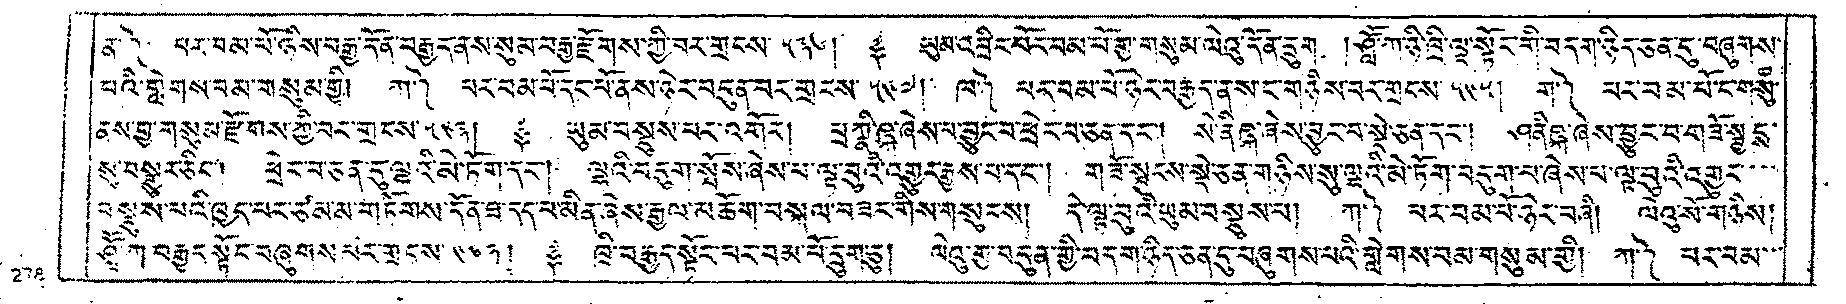ན་པར་བམ་པོ་ཉིས་བརྒྱ་དོན་བརྒྱད་ནས་སུམ་བརྒྱ་རྫོགས་ཀྱི་བར་གྲངས ༥༣༦། ༈ ཡུམ་འབྲིང་པོར་བམ་པོ་གྱ་གསུམ་ལེའུ་དོན་དྲུག །ཤླཽ་ཀ་ཉི་ཁྲི་ལྔ་སྟོང་གི་བདག་ཉིད་ཅན་དུ་བཞུགས་
པའི་གླེགས་བམ་གསུམ་གྱི། ཀ༼་པར་བམ་པོ་དང་པོ་ནས་ཉེར་བདུན་བར་གྲངས ༥༤༧། ཁ༽ པར་བམ་པོ་ཉེར་བརྒྱད་ནས་ང་གཉིས་བར་གྲངས ༥༤༥། ག་པར་བམ་པོ་ང་གསུམ་
ནས་གྱ་གསུམ་རྫོགས་ཀྱི་བར་གྲངས ༥༤༣། ༈ ཡུམ་བསྡུས་པར་འགོར། པྲཀྣི་ཥྐ་ཞེས་པ་བྱུང་བ་ཕྲེང་བ་ཅན་དང་། སེ་ནི་ཥྐ་ཞེས་བྱུང་བ་སྡེ་ཅན་དང་། ཤ་ནིཥྐ་ཞེས་བྱུང་བ་གཟོ་སྦྱངས་
སུ་བསྒྱུར་ཅིང་། ཕྲེང་བ་ཅན་དུ་ལྷའི་མེ་ཏོག་དང་། ལྷའི་བདུག་སྤོས་ཞེས་པ་ལྟ་བུའི་འགྱུར་རྒྱས་པ་དང་། གཟོ་སྦྱངས་སྡེ་ཅན་གཉིས་སུ་ལྷའི་མེ་ཏོག་བདུག་པ་ཞེས་པ་ལྟ་བུའི་འགྱུར་
བསྡུས་པའི་ཁྱད་པར་ཙམ་མ་གཏོགས་དོན་ཐ་དད་པ་མིན་ཞེས་རྒྱལ་མཆོག་བསྐལ་བཟང་གིས་གསུངས། དེ་ལྟ་བུའི་ཡུམ་བསྡུས་པ། ཀ་པར་བམ་པོ་ཉེར་བཞི། ལེའུ་སོ་གཉིས།
ཤླཽ་ཀ་བརྒྱད་སྟོང་བཞུགས་པར་གྲངས ༤༦༢། ༈ ཁྲི་བརྒྱད་སྟོང་པར་བམ་པོ་དྲུག་ཅུ། ལེའུ་གྱ་བདུན་གྱི་བདག་ཉིད་ཅན་དུ་བཞུགས་པའི་གླེགས་བམ་གསུམ་གྱི། ཀ་པར་བམ་